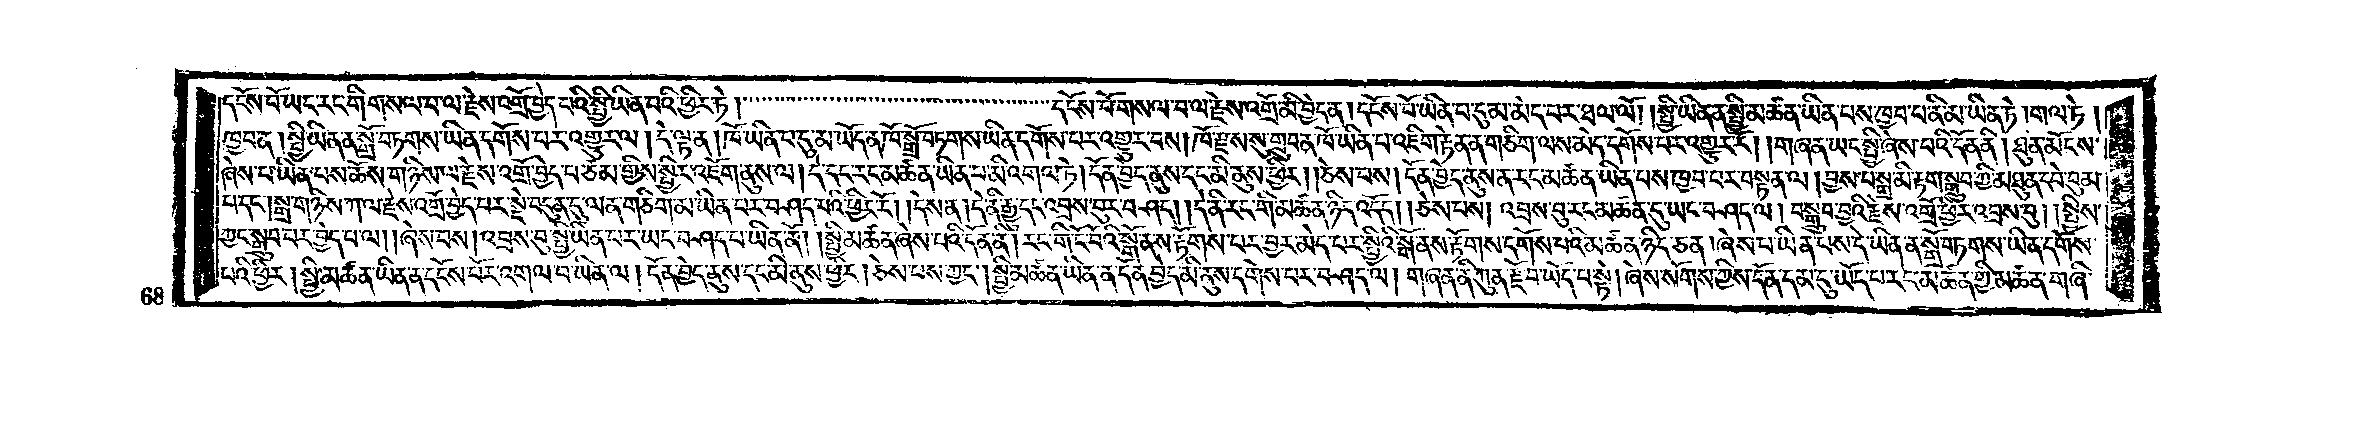དངོས་པོ་ཡང་རང་གི་གསལ་བ་ལ་རྗེས་འགྲོ་བྱེད་པའི་སྤྱི་ཡིན་པའི་ཕྱིར་ཏེ། དངོས་པོ་གསལ་བ་ལ་རྗེས་འགྲོ་མི་བྱེད་ན། དངོས་པོ་ཡིན་པ་དུ་མ་མེད་པར་ཐལ་ལོ། །སྤྱི་ཡིན་ན་སྤྱི་མཚན་ཡིན་པས་ཁྱབ་པ་ནི་མ་ཡིན་ཏེ། གལ་ཏེ་
ཁྱབ་ན། སྤྱི་ཡིན་ན་སྒྲོ་བཏགས་ཡིན་དགོས་པར་འགྱུར་ལ། དེ་ལྟ་ན། ཁོ་ཡིན་པ་དུ་མ་ཡོད་ན་ཁོ་སྒྲོ་བཏགས་ཡིན་དགོས་པར་འགྱུར་བས། ཁོ་རྫས་སུ་གྲུབ་ན་ཁོ་ཡིན་པ་འཇིག་རྟེན་ན་གཅིག་ལས་མེད་དགོས་པར་འགྱུར་རོ། །གཞན་ཡང་སྤྱི་ཞེས་པའི་དོན་ནི། ཐུན་མོངས་
ཞེས་པ་ཡིན་པས་ཆོས་གཉིས་ལ་རྗེས་འགྲོ་བྱེད་པ་ཙམ་གྱིས་སྤྱིར་འཇོག་ནུས་ལ། དེ་དང་རང་མཚན་ཡིན་པ་མི་འགལ་ཏེ། དོན་བྱེད་ནུས་དང་མི་ནུས་ཕྱིར། །ཅེས་པས། དོན་བྱེད་ནུས་ན་རང་མཚན་ཡིན་པས་ཁྱབ་པར་བསྟན་ལ། བྱས་པ་སྒྲ་མི་རྟག་སྒྲུབ་ཀྱི་མཐུན་དཔེ་བུམ་
པ་དང་། སྒྲ་གཉིས་ཀ་ལ་རྗེས་འགྲོ་བྱེད་པར་སྡེ་བདུན་དུ་ལན་གཅིག་མ་ཡིན་པར་བཤད་པའི་ཕྱིར་རོ། །དེས་ན། དེ་ནི་རྒྱུ་དང་འབྲས་བུར་བཤད། །དེ་ནི་རང་གི་མཚན་ཉིད་འདོད། །ཅེས་པས། འབྲས་བུ་རང་མཚན་དུ་ཡང་བཤད་ལ། བསྒྲུབ་བྱའི་རྗེས་འགྲོ་ཕྱིར་འབྲས་བུ། །སྤྱིས་
ཀྱང་སྒྲུབ་པར་བྱེད་པ་ལ། །ཞེས་པས། འབྲས་བུ་སྤྱི་ཡིན་པར་ཡང་བཤད་པ་ཡིན་ནོ། །སྤྱི་མཚན་ཞེས་པའི་དོན་ནི། རང་གི་ངོ་བོའི་སྒོ་ནས་རྟོགས་པར་བྱར་མེད་པར་སྤྱིའི་སྒོ་ནས་རྟོགས་དགོས་པའི་མཚན་ཉིད་ཅན། ཞེས་པ་ཡིན་པས་དེ་ཡིན་ན་སྒྲོ་བཏགས་ཡིན་དགོས་
པའི་ཕྱིར། སྤྱི་མཚན་ཡིན་ན་དངོས་པོར་འགལ་བ་ཡིན་ལ། དོན་བྱེད་ནུས་དང་མི་ནུས་ཕྱིར། ཅེས་པས་ཀྱང་། སྤྱི་མཚན་ཡིན་ན་དོན་བྱེད་མི་ནུས་དགོས་པར་བཤད་ལ། གཞན་ནི་ཀུན་རྫོབ་ཡོད་པ་སྟེ། ཞེས་སོགས་ཀྱིས་དོན་དམ་དུ་ཡོད་པར་མཚན་མཚན་གྱི་མཚན་གཞི་